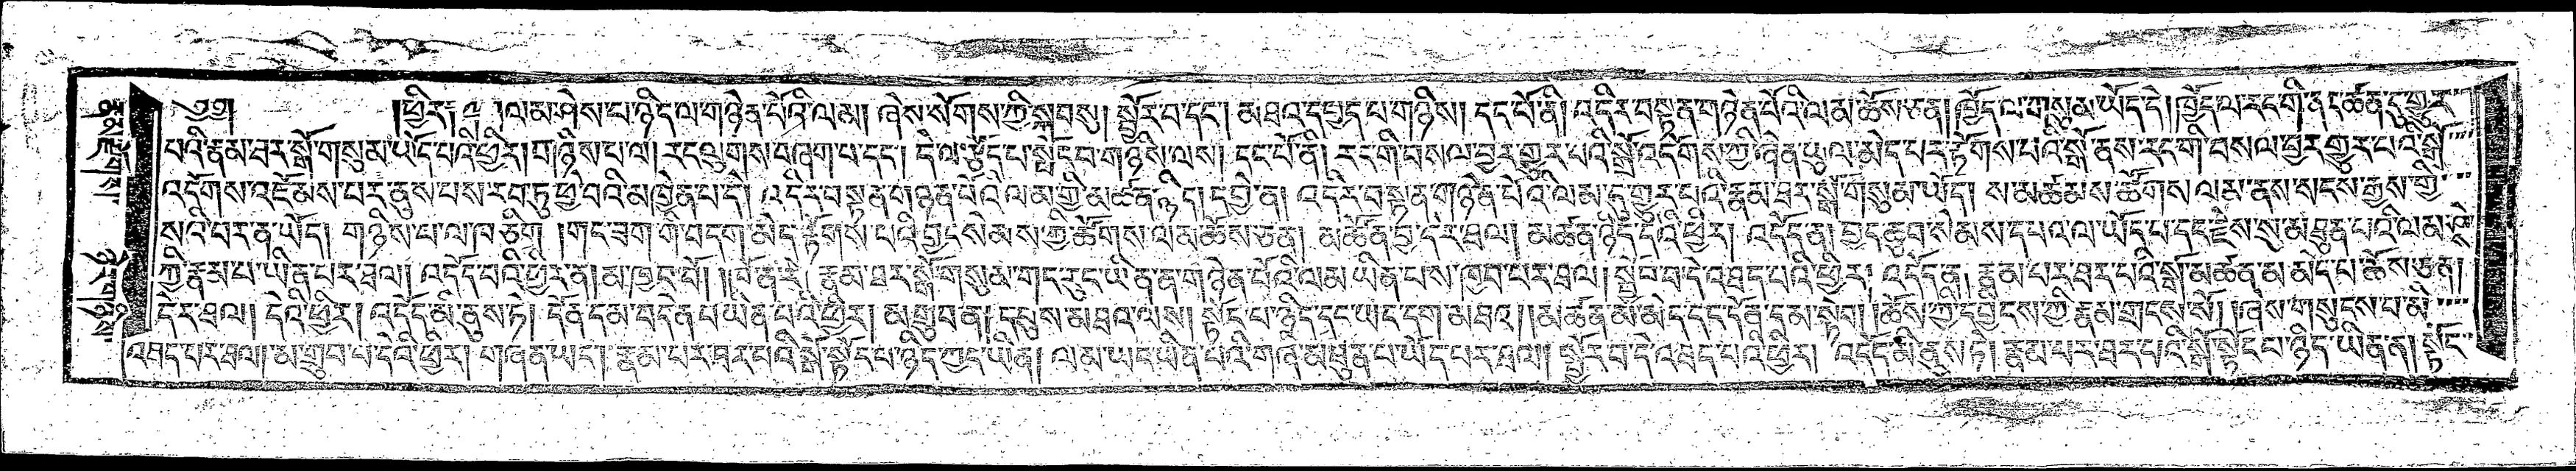༄༅། །ཕྱིར༑ ༈ །ལམ་ཤེས་པ་ཉིད་ལ་གཉེན་པོའི་ལམ། ཞེས་སོགས་ཀྱི་སྐབས་སུ། སྦྱོར་བ་དང་། མཐའ་དཔྱད་པ་གཉིས། དང་པོ་ནི། འདིར་བསྟན་གཉེན་པོའི་ལམ་ཆོས་ཅན། ཁྱོད་ལ་གསུམ་ཡོད་དེ། ཁྱོད་ལ་རང་གི་ནང་ཚན་དུ་གྱུར་
པའི་རྣམ་ཐར་སྒོ་གསུམ་ཡོད་པའི་ཕྱིར། གཉིས་པ་ལ། རང་ལུགས་བཞག་པ་དང་། དེ་ལ་རྩོད་པ་སྤོང་བ་གཉིས་ལས། དང་པོ་ནི། རང་གི་བསལ་བྱར་གྱུར་པའི་སྒྲོ་འདོགས་ཀྱི་ཞེན་ཡུལ་མེད་པར་རྟོགས་པའི་སྒོ་ནས་རང་གི་བསལ་བྱར་གྱུར་པའི་སྒྲོ་
འདོགས་འཇོམས་པར་ནུས་པས་རབ་ཏུ་ཕྱེ་བའི་མཁྱེན་པ་དེ། འདིར་བསྟན་གཉེན་པོའི་ལམ་གྱི་མཚན་ཉིད། དབྱེ་ན། འདིར་བསྟན་གཉེན་པོའི་ལམ་དུ་གྱུར་པའི་རྣམ་ཐར་སྒོ་གསུམ་ཡོད། ས་མཚམས་ཚོགས་ལམ་ནས་སངས་རྒྱས་གྱི་
སའི་བར་ན་ཡོད། གཉིས་པ་ལ་ཁ་ཅིག །གང་ཟག་གི་བདག་མེད་རྟོགས་པའི་བྱང་སེམས་ཀྱི་ཚོགས་ལམ་ཆོས་ཅན། མཚོན་བྱ་དེར་ཐལ། མཚན་ཉིད་དེའི་ཕྱིར། འདོད་ན། བྱང་ཆུབ་སེམས་དཔའ་ལ་ཡོད་པ་དང་རྗེས་སུ་མཐུན་པའི་ལམ་ཤེས་
ཀྱི་རྣམ་པ་ཡིན་པར་ཐལ། འདོད་པའི་ཕྱིར་ན། མ་ཁྱབ་བོ། །ཁོ་ན་རེ། རྣམ་ཐར་སྒོ་གསུམ་གང་རུང་ཡིན་ན་གཉེན་པོའི་ལམ་ཡིན་པས་ཁྱབ་པར་ཐལ། སྦྱོར་བ་དེ་འཐད་པའི་ཕྱིར། འདོད་ན། རྣམ་པར་ཐར་པའི་སྒོ་མཚན་མ་མེད་པ་ཆོས་ཅན།
དེར་ཐལ། དེའི་ཕྱིར། འདོད་མི་ནུས་ཏེ། དོན་དམ་བདེན་པ་ཡིན་པའི་ཕྱིར། མ་གྲུབ་ན། དབུས་མཐའ་ལས། སྟོང་པ་ཉིད་དང་ཡང་དག་མཐའ། །མཚན་མ་མེད་དང་དོན་དམ་སྟེ། །ཆོས་ཀྱི་དབྱིངས་ཀྱི་རྣམ་གྲངས་སོ། །ཞེས་གསུངས་པ་མི་
འཐད་པར་ཐལ། མ་གྲུབ་པ་དེའི་ཕྱིར། གཞན་ཡང་། རྣམ་པར་ཐར་པའི་སྒོ་སྟོང་པ་ཉིད་ཀྱང་ཡིན། ལམ་ཡང་ཡིན་པའི་གཞི་མཐུན་པ་ཡོད་པར་ཐལ། སྦྱོར་བ་དེ་འཐད་པའི་ཕྱིར། འདོད་མི་ནུས་ཏེ། རྣམ་པར་ཐར་པའི་སྒོ་སྟོང་པ་ཉིད་ཡིན་ན། སྟོང་